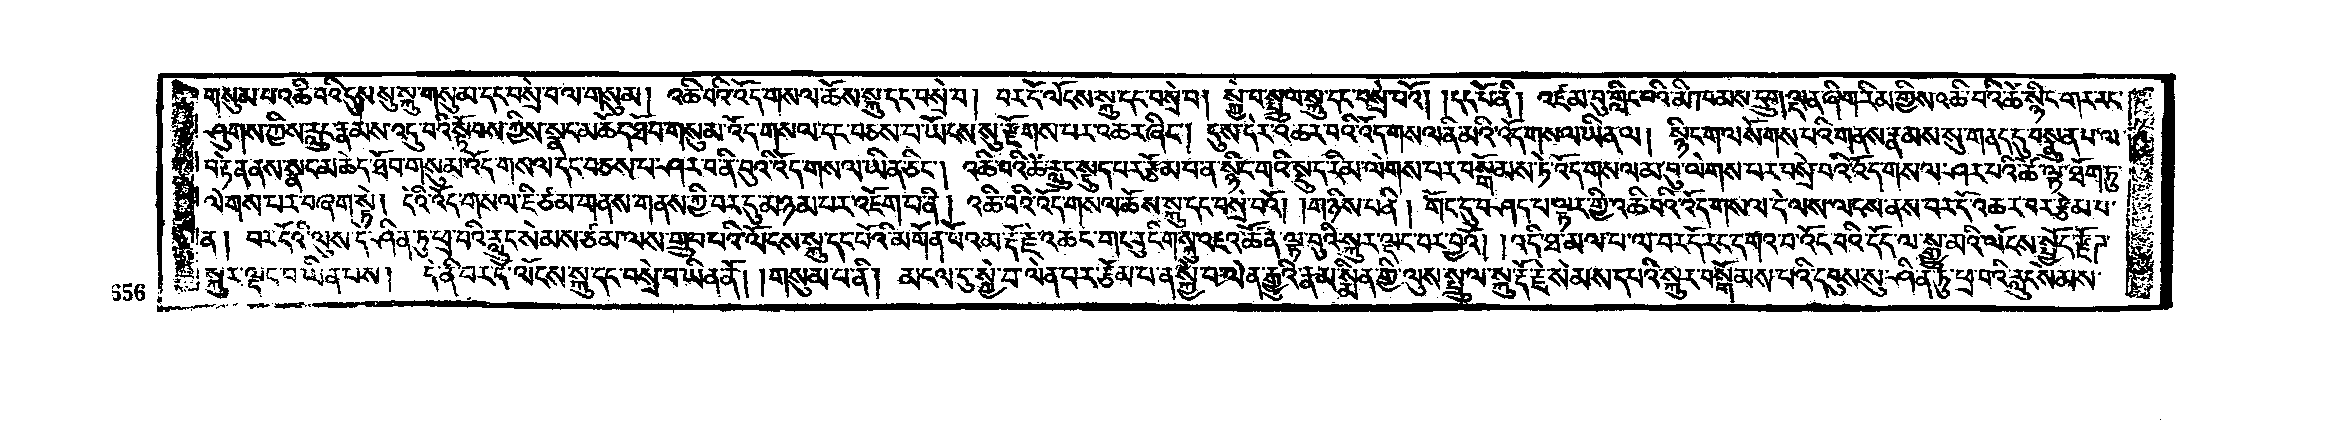གསུམ་པ་འཆི་བའི་དུས་སུ་སྐུ་གསུམ་དང་བསྲེ་བ་ལ་གསུམ། འཆི་བའི་འོད་གསལ་ཆོས་སྐུ་དང་བསྲེ་བ། བར་དོ་ལོངས་སྐུ་དང་བསྲེ་བ། སྐྱེ་བ་སྤྲུལ་སྐུ་དང་བསྲེ་བའོ། །དང་པོ་ནི། འཛམ་བུ་གླིང་པའི་མི་ཁམས་དྲུག་ལྡན་ཞིག་རིམ་གྱིས་འཆི་བའི་ཚེ་སྙིང་གར་རང་
ཤུགས་ཀྱིས་རླུང་རྣམས་འདུ་བའི་སྟོབས་ཀྱིས་སྣང་མཆེད་ཐོབ་གསུམ་འོད་གསལ་དང་བཅས་པ་ཡོངས་སུ་རྫོགས་པར་འཆར་ཞིང་། དུས་དེར་འཆར་བའི་འོད་གསལ་ནི་མའི་འོད་གསལ་ཡིན་ལ། སྙིང་ག་ལ་སོགས་པའི་གནས་རྣམས་སུ་གནད་དུ་བསྣུན་པ་ལ་
བརྟེན་ནས་སྣང་མཆེད་ཐོབ་གསུམ་འོད་གསལ་དང་བཅས་པ་ཤར་བ་ནི་བུའི་འོད་གསལ་ཡིན་ཅིང་། འཆི་བའི་ཚེ་རླུང་སྡུད་པར་རྩོམ་པ་ན་སྙིང་གའི་སྡུད་རིམ་ལེགས་པར་བསྒོམས་ཏེ་འོད་གསལ་མ་བུ་ལེགས་པར་བསྲ་བའི་འོད་གསལ་ཤར་བའི་ཚེ་ལྟ་ཐོག་ཏུ་
ལེགས་པར་བཞག་སྟེ། དེའི་འོད་གསལ་ཇི་ཙམ་གནས་གནས་ཀྱི་བར་དུ་མཉམ་པར་འཇོག་པ་ནི། འཆི་བའི་འོད་གསལ་ཆོས་སྐུ་དང་བསྲེ་བའོ། །གཉིས་པ་ནི། གོང་དུ་བཤད་པ་ལྟར་གྱི་འཆི་བའི་འོད་གསལ་དེ་ལས་ལངས་ནས་བར་དོ་འཆར་བར་རྩོམ་པ་
ན། བར་དོའི་ལུས་དེ་ཤིན་ཏུ་ཕྲ་བའི་རླུང་སེམས་ཙམ་ལས་གྲུབ་པའི་ལོངས་སྐུ་དང་པོའི་མགོན་པོའམ་རྡོ་རྗེ་འཆང་གང་རུང་གི་སྐུ་འཇའ་ཚོན་ལྟ་བུའི་སྐུར་ལྡང་བར་བྱའོ། །འདི་ཐ་མལ་པ་ལ་བར་དོ་རང་དགའ་བ་འོང་བའི་དོད་ལ་སྒྱུ་མའི་ལོངས་སྤྱོད་རྫོགས་
སྐུར་ལྡང་བ་ཡིན་པས། དེ་ནི་བར་དོ་ལོངས་སྐུ་དང་བསྲེ་བ་ཡིན་ནོ། །གསུམ་པ་ནི། མངལ་དུ་སྐྱེ་བ་ལེན་པར་རྩོམ་པ་ན་སྐྱེ་བ་ལེན་རྒྱུའི་རྣམ་སྨིན་གྱི་ལུས་སྤྲུལ་སྐུ་རྡོ་རྗེ་སེམས་དཔའི་སྐུར་བསྒོམས་པའི་དབུས་སུ་ཤིན་ཏུ་ཕྲ་བའི་རླུང་སེམས་